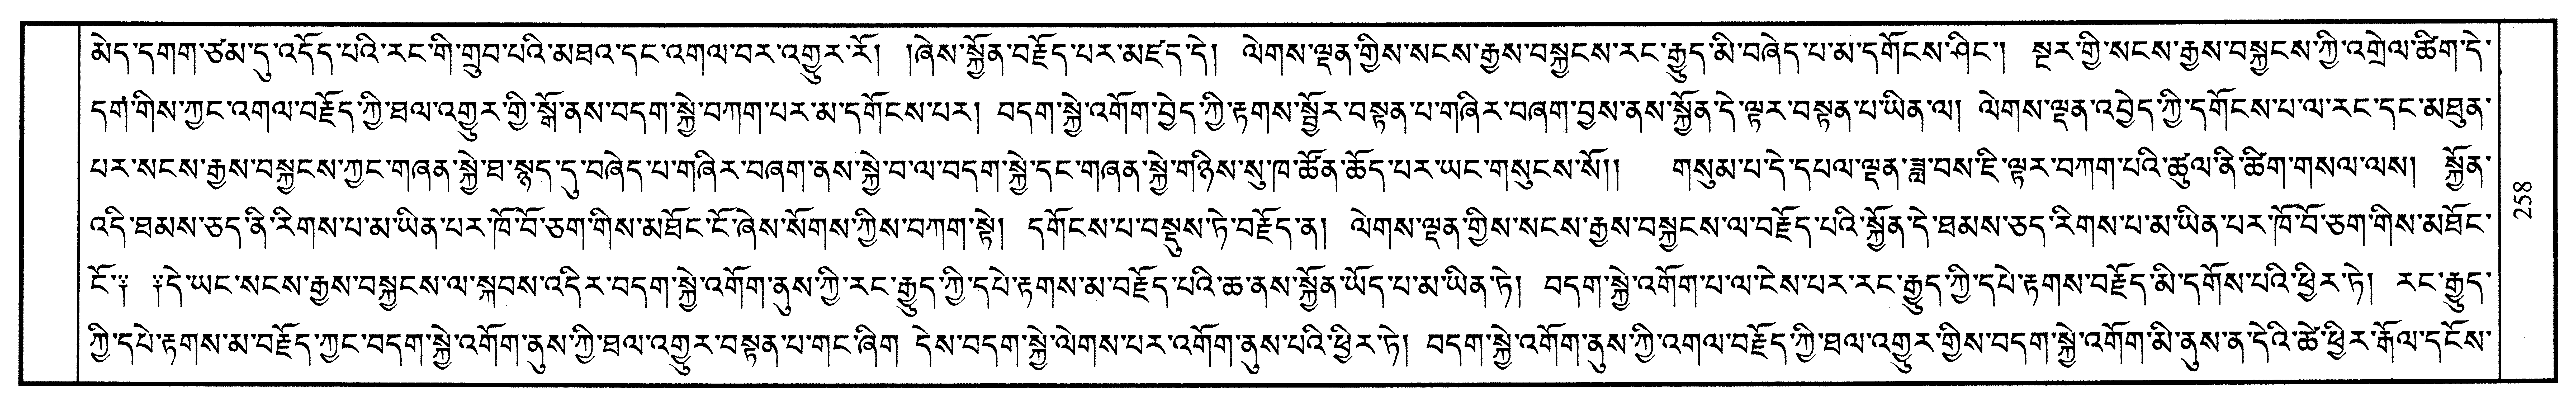མེད་དགག་ཙམ་དུ་འདོད་པའི་རང་གི་གྲུབ་པའི་མཐའ་དང་འགལ་བར་འགྱུར་རོ། །ཞེས་སྐྱོན་བརྗོད་པར་མཛད་དེ། ལེགས་ལྡན་གྱིས་སངས་རྒྱས་བསྐྱངས་རང་རྒྱུད་མི་བཞེད་པ་མ་དགོངས་ཤིང་། སྔར་གྱི་སངས་རྒྱས་བསྐྱངས་ཀྱི་འགྲེལ་ཚིག་དེ་
དག་གིས་ཀྱང་འགལ་བརྗོད་ཀྱི་ཐལ་འགྱུར་གྱི་སྒོ་ནས་བདག་སྐྱེ་བཀག་པར་མ་དགོངས་པར། བདག་སྐྱེ་འགོག་བྱེད་ཀྱི་རྟགས་སྦྱོར་བསྟན་པ་གཞིར་བཞག་བྱས་ནས་སྐྱོན་དེ་ལྟར་བསྟན་པ་ཡིན་ལ། ལེགས་ལྡན་འབྱེད་ཀྱི་དགོངས་པ་ལ་རང་དང་མཐུན་
པར་སངས་རྒྱས་བསྐྱངས་ཀྱང་གཞན་སྐྱེ་ཐ་སྙད་དུ་བཞེད་པ་གཞིར་བཞག་ནས་སྐྱེ་བ་ལ་བདག་སྐྱེ་དང་གཞན་སྐྱེས་གཉིས་སུ་ཁ་ཚོན་ཆོས་པར་ཡང་གསུངས་སོ།། གསུམ་པ་དེ་དཔལ་ལྡན་ཟླ་བས་ཇི་ལྟར་བཀག་པའི་ཚུལ་ནི་ཚིག་གསལ་ལས། སྐྱོན་
འདི་ཐམས་ཅད་ནི་རིགས་པ་མ་ཡིན་པར་ཁོ་བོ་ཅག་གིས་མཐོང་ངོ་ཞེས་སོགས་ཀྱིས་བཀག་སྟེ། དགོངས་པ་བསྡུས་ཏེ་བརྗོད་ན། ལེགས་ལྡན་གྱིས་སངས་རྒྱས་བསྐྱངས་ལ་བརྗོད་པའི་སྐྱོན་དེ་ཐམས་ཅད་རིགས་པ་མ་ཡིན་པར་ཁོ་བོ་ཅག་གིས་མཐོང་
ངོ༑ ༑དེ་ཡང་སངས་རྒྱས་བསྐྱངས་ལ་སྐབས་འདིར་བདག་སྐྱེ་འགོག་ནུས་ཀྱི་རང་རྒྱུད་ཀྱི་དཔེ་རྟགས་མ་བརྗོད་པའི་ཆ་ནས་སྐྱོན་ཡོད་པ་མ་ཡིན་ཏེ། བདག་སྐྱེ་འགོག་པ་ལ་ངེས་པར་རང་རྒྱུད་ཀྱི་དཔེ་རྟགས་བརྗོད་མི་དགོས་པའི་ཕྱིར་ཏེ། རང་རྒྱུད་
ཀྱི་དཔེ་རྟགས་མ་བརྗོད་ཀྱང་བདག་སྐྱེ་འགོག་ནུས་ཀྱི་ཐལ་འགྱུར་བསྟན་པ་གང་ཞིག་དེས་བདག་སྐྱེ་ལེགས་པར་འགོག་ནུས་པའི་ཕྱིར་ཏེ། བདག་སྐྱེ་འགོག་ནུས་ཀྱི་འགལ་བརྗོད་ཀྱི་ཐལ་འགྱུར་གྱིས་བདག་སྐྱེ་འགོག་མི་ནུས་ན་དེའི་ཚེ་ཕྱིར་རྒོལ་དངོས་